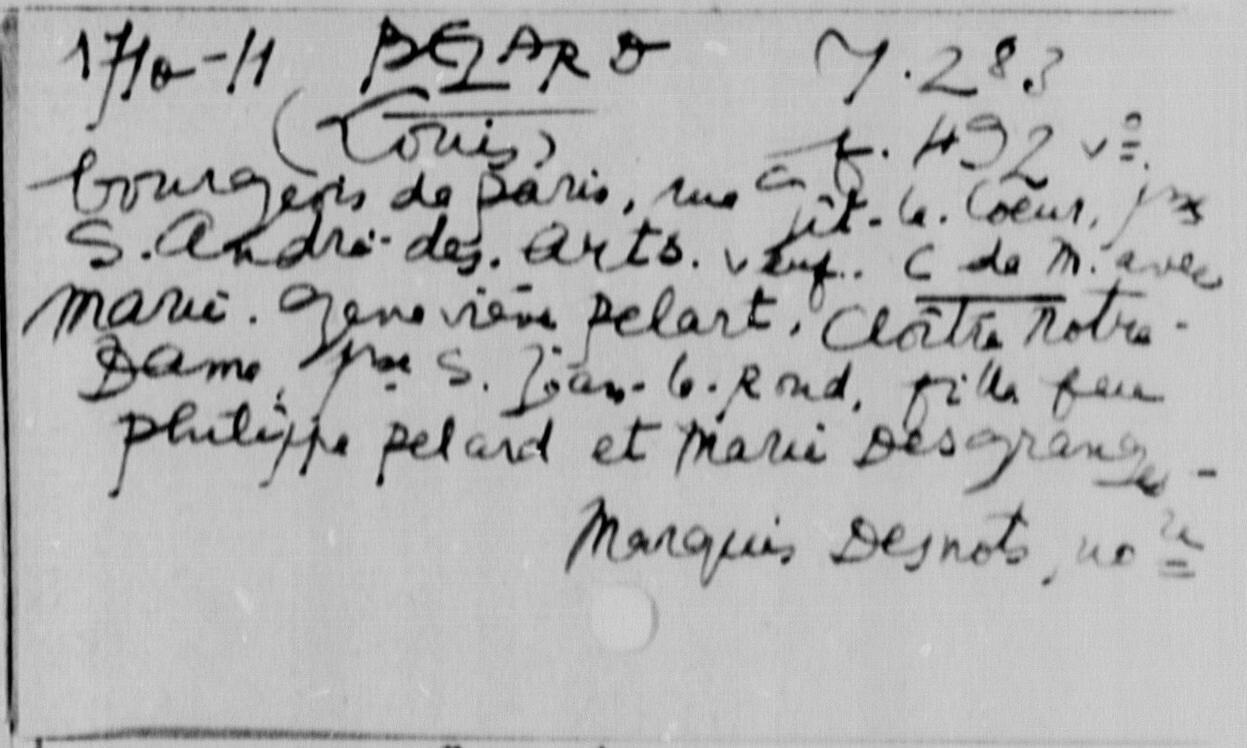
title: BELARD (Louis)
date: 1710-1711
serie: Y
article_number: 283
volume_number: fol. 492v
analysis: Bourgeois de Paris, rue Gît-le-Coeur, paroisse Saint-André-des-Arts. Veuf. Contrat de mariage avec Marie-Geneviève PELART, Cloître Notre-Dame, paroisse Saint-Jean-le-Rond, fille feu Philippe PELARD et Marie Desgranges. Marquis Desnots, notaire.
